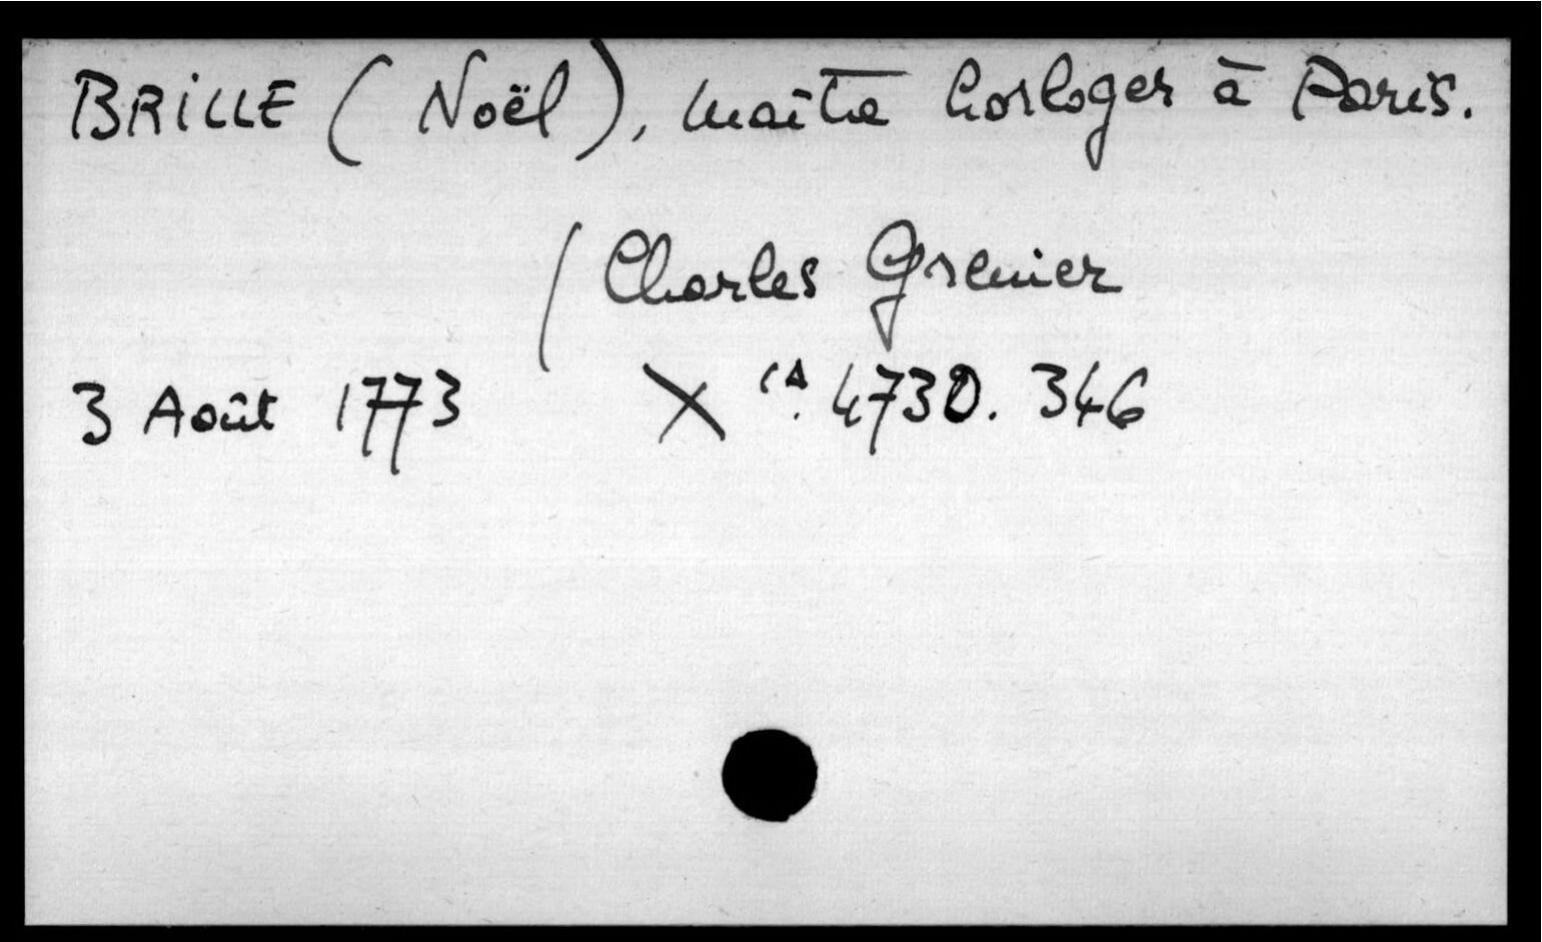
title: BRILLE (Noël), maître horloger à Paris.
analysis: Contre Charles Grenier
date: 3 août 1773
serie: X1A
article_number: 4730
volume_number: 346
